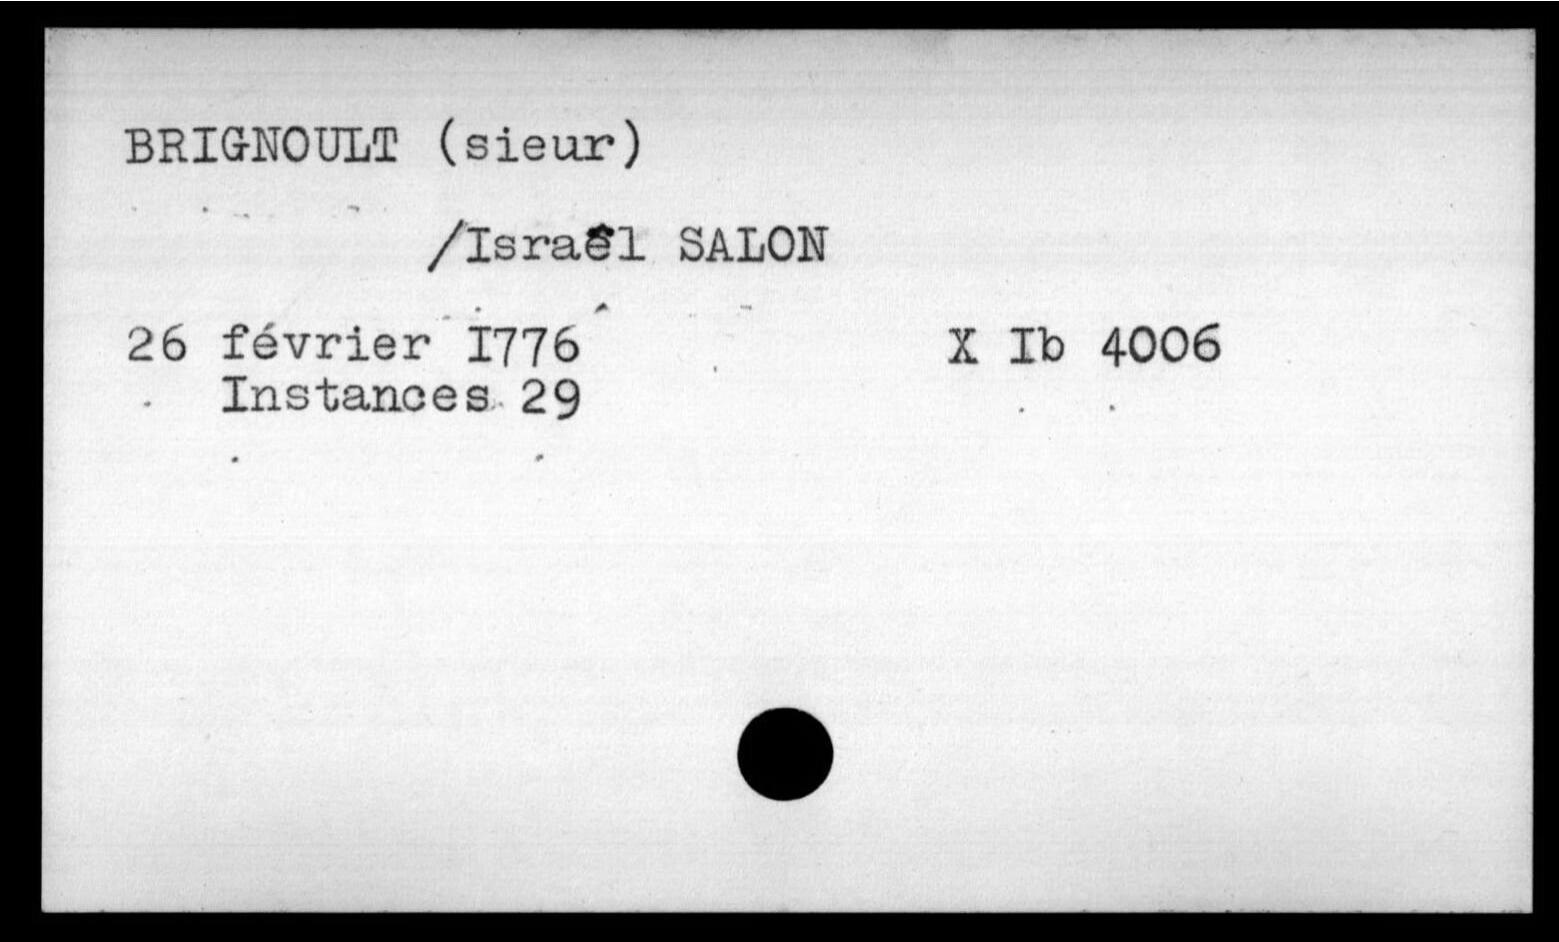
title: BRIGNOULT (Sieur)
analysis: Contre Israel SALON
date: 26 février 1776
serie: X1b
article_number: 4006
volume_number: Instances, 29
